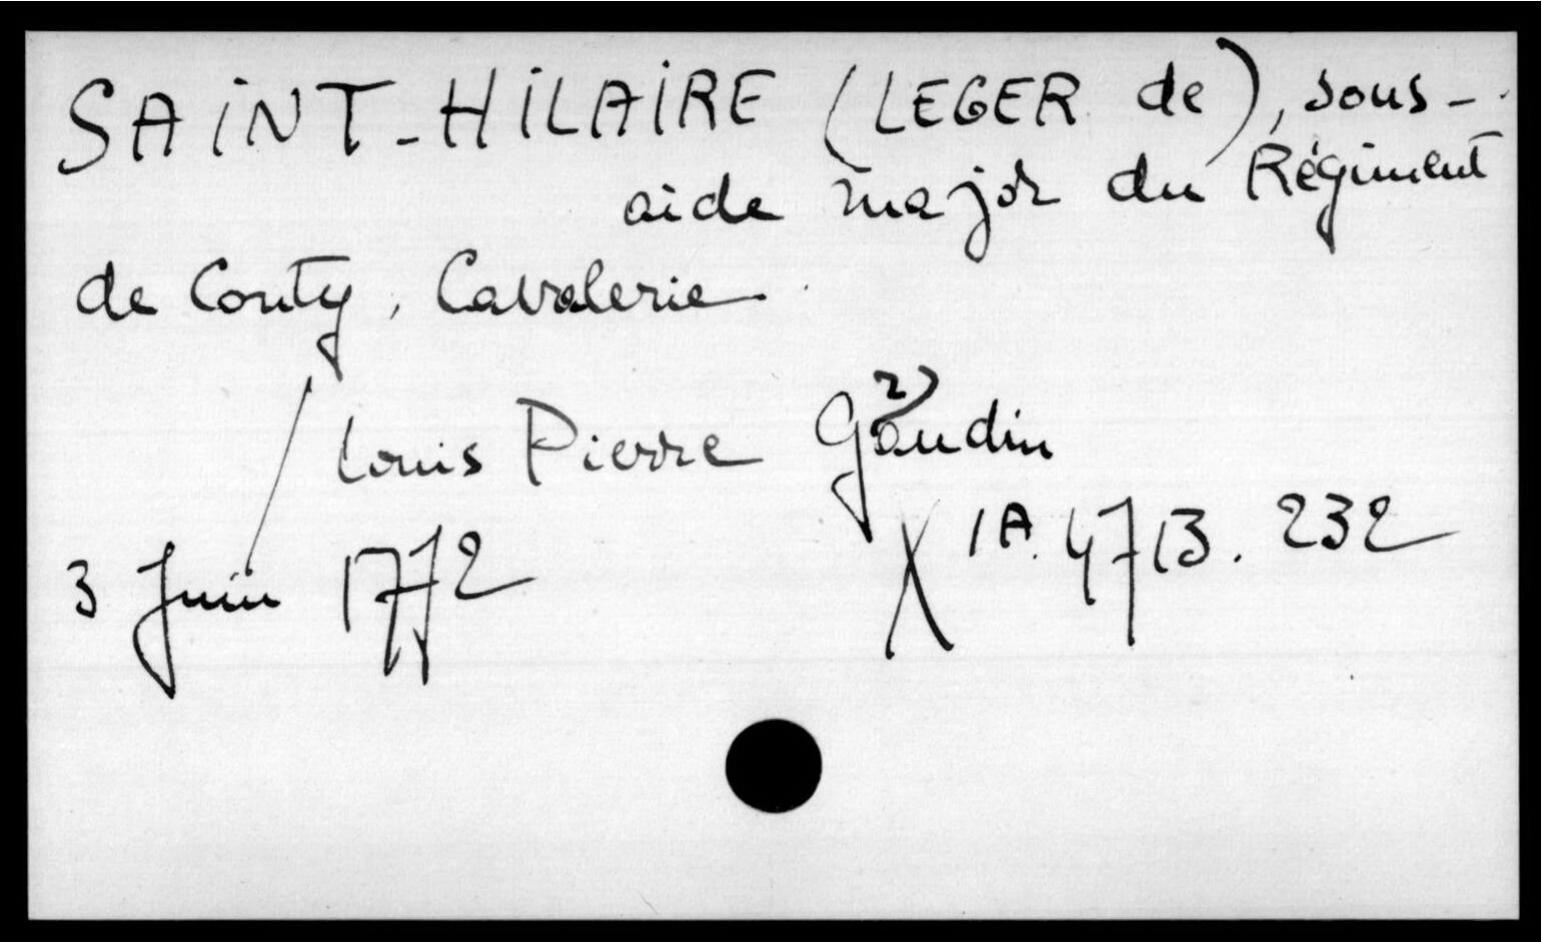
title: SAINT-HILAIRE (LEGER de), sous-aide major du Régiment de Conty, Cavalerie
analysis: Contre Louis Pierre Graudin
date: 3 juin 1772
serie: X1A
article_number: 4713
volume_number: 232
